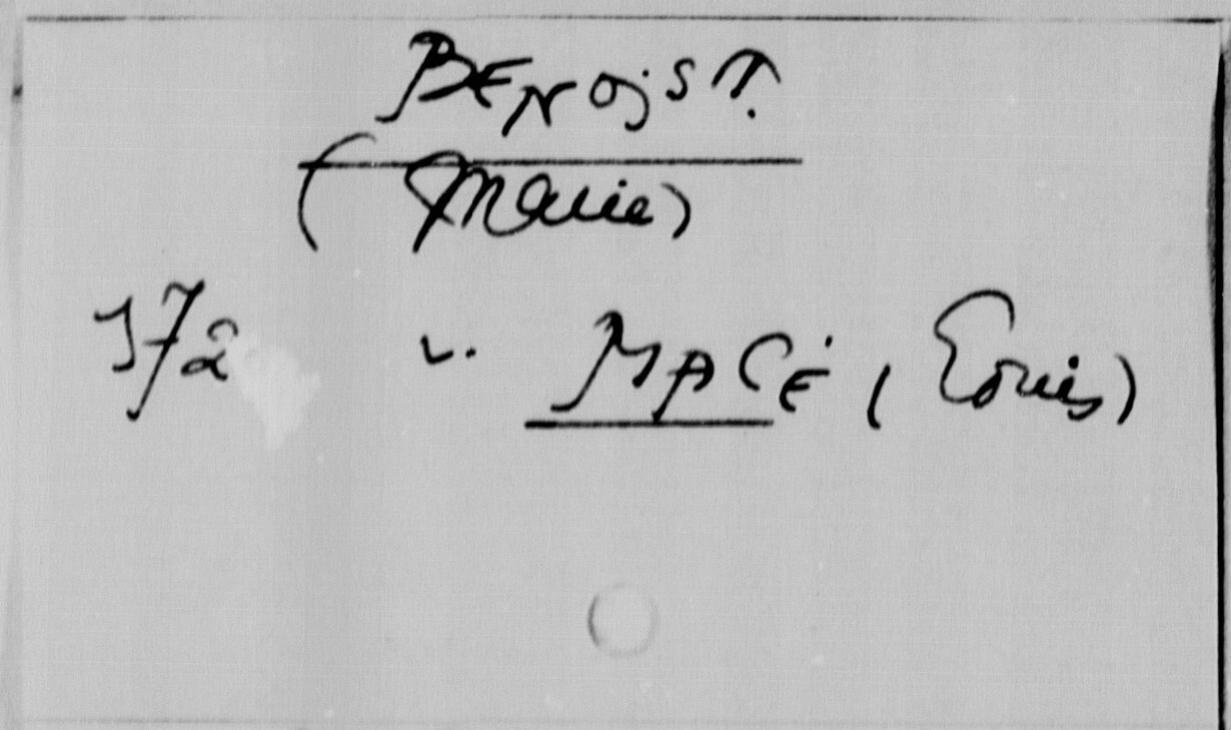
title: BENOIST (Marie)
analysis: Voir : MACÉ (Louis)
